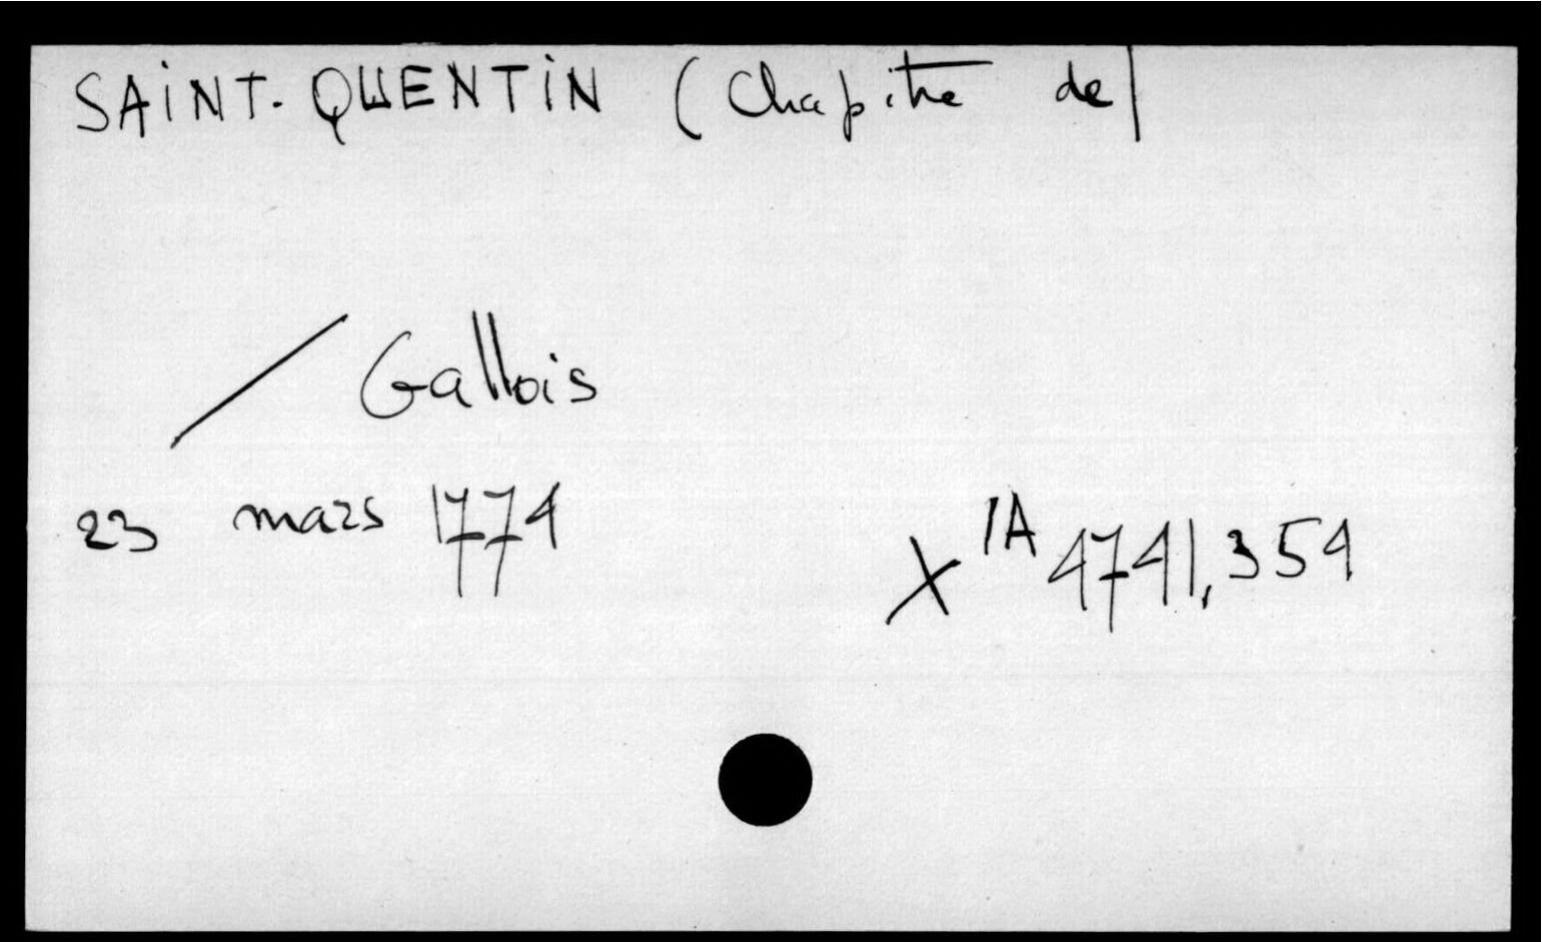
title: SAINT-QUENTIN (Chapitre de)
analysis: Contre Gallois
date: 23 mars 1774
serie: X1A
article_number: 4741
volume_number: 354
